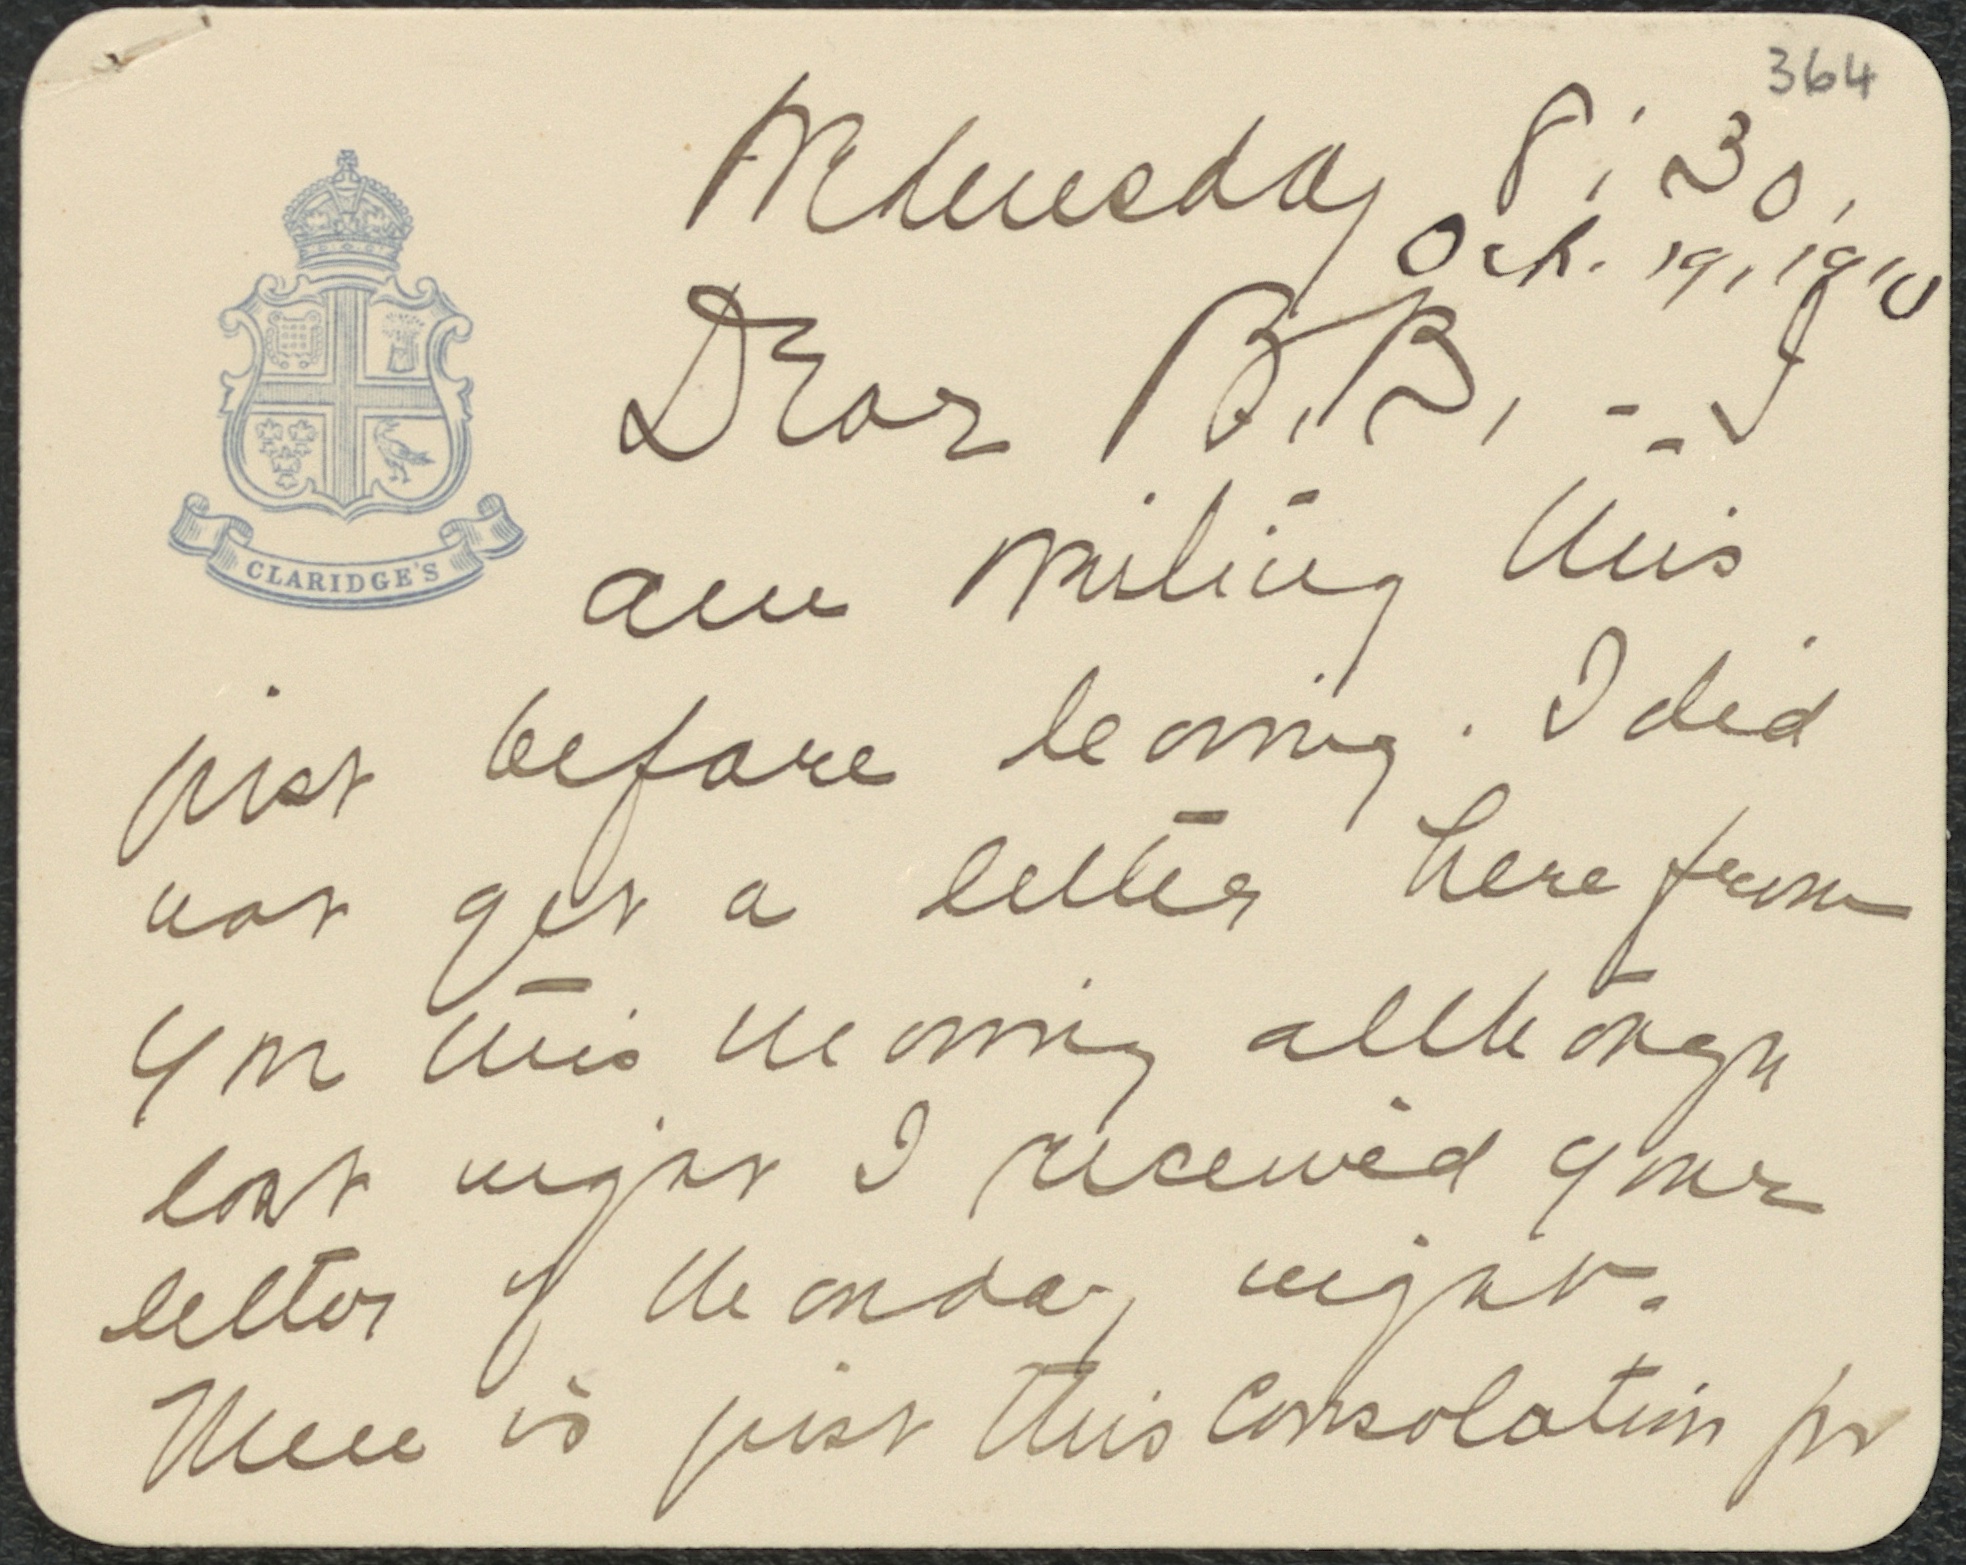Wednesday 8:30.
Dear B.B. – I am writing this just before leaving. I did not get a letter here from you this morning although last night I received your letter of Monday night. There is just this consolation for